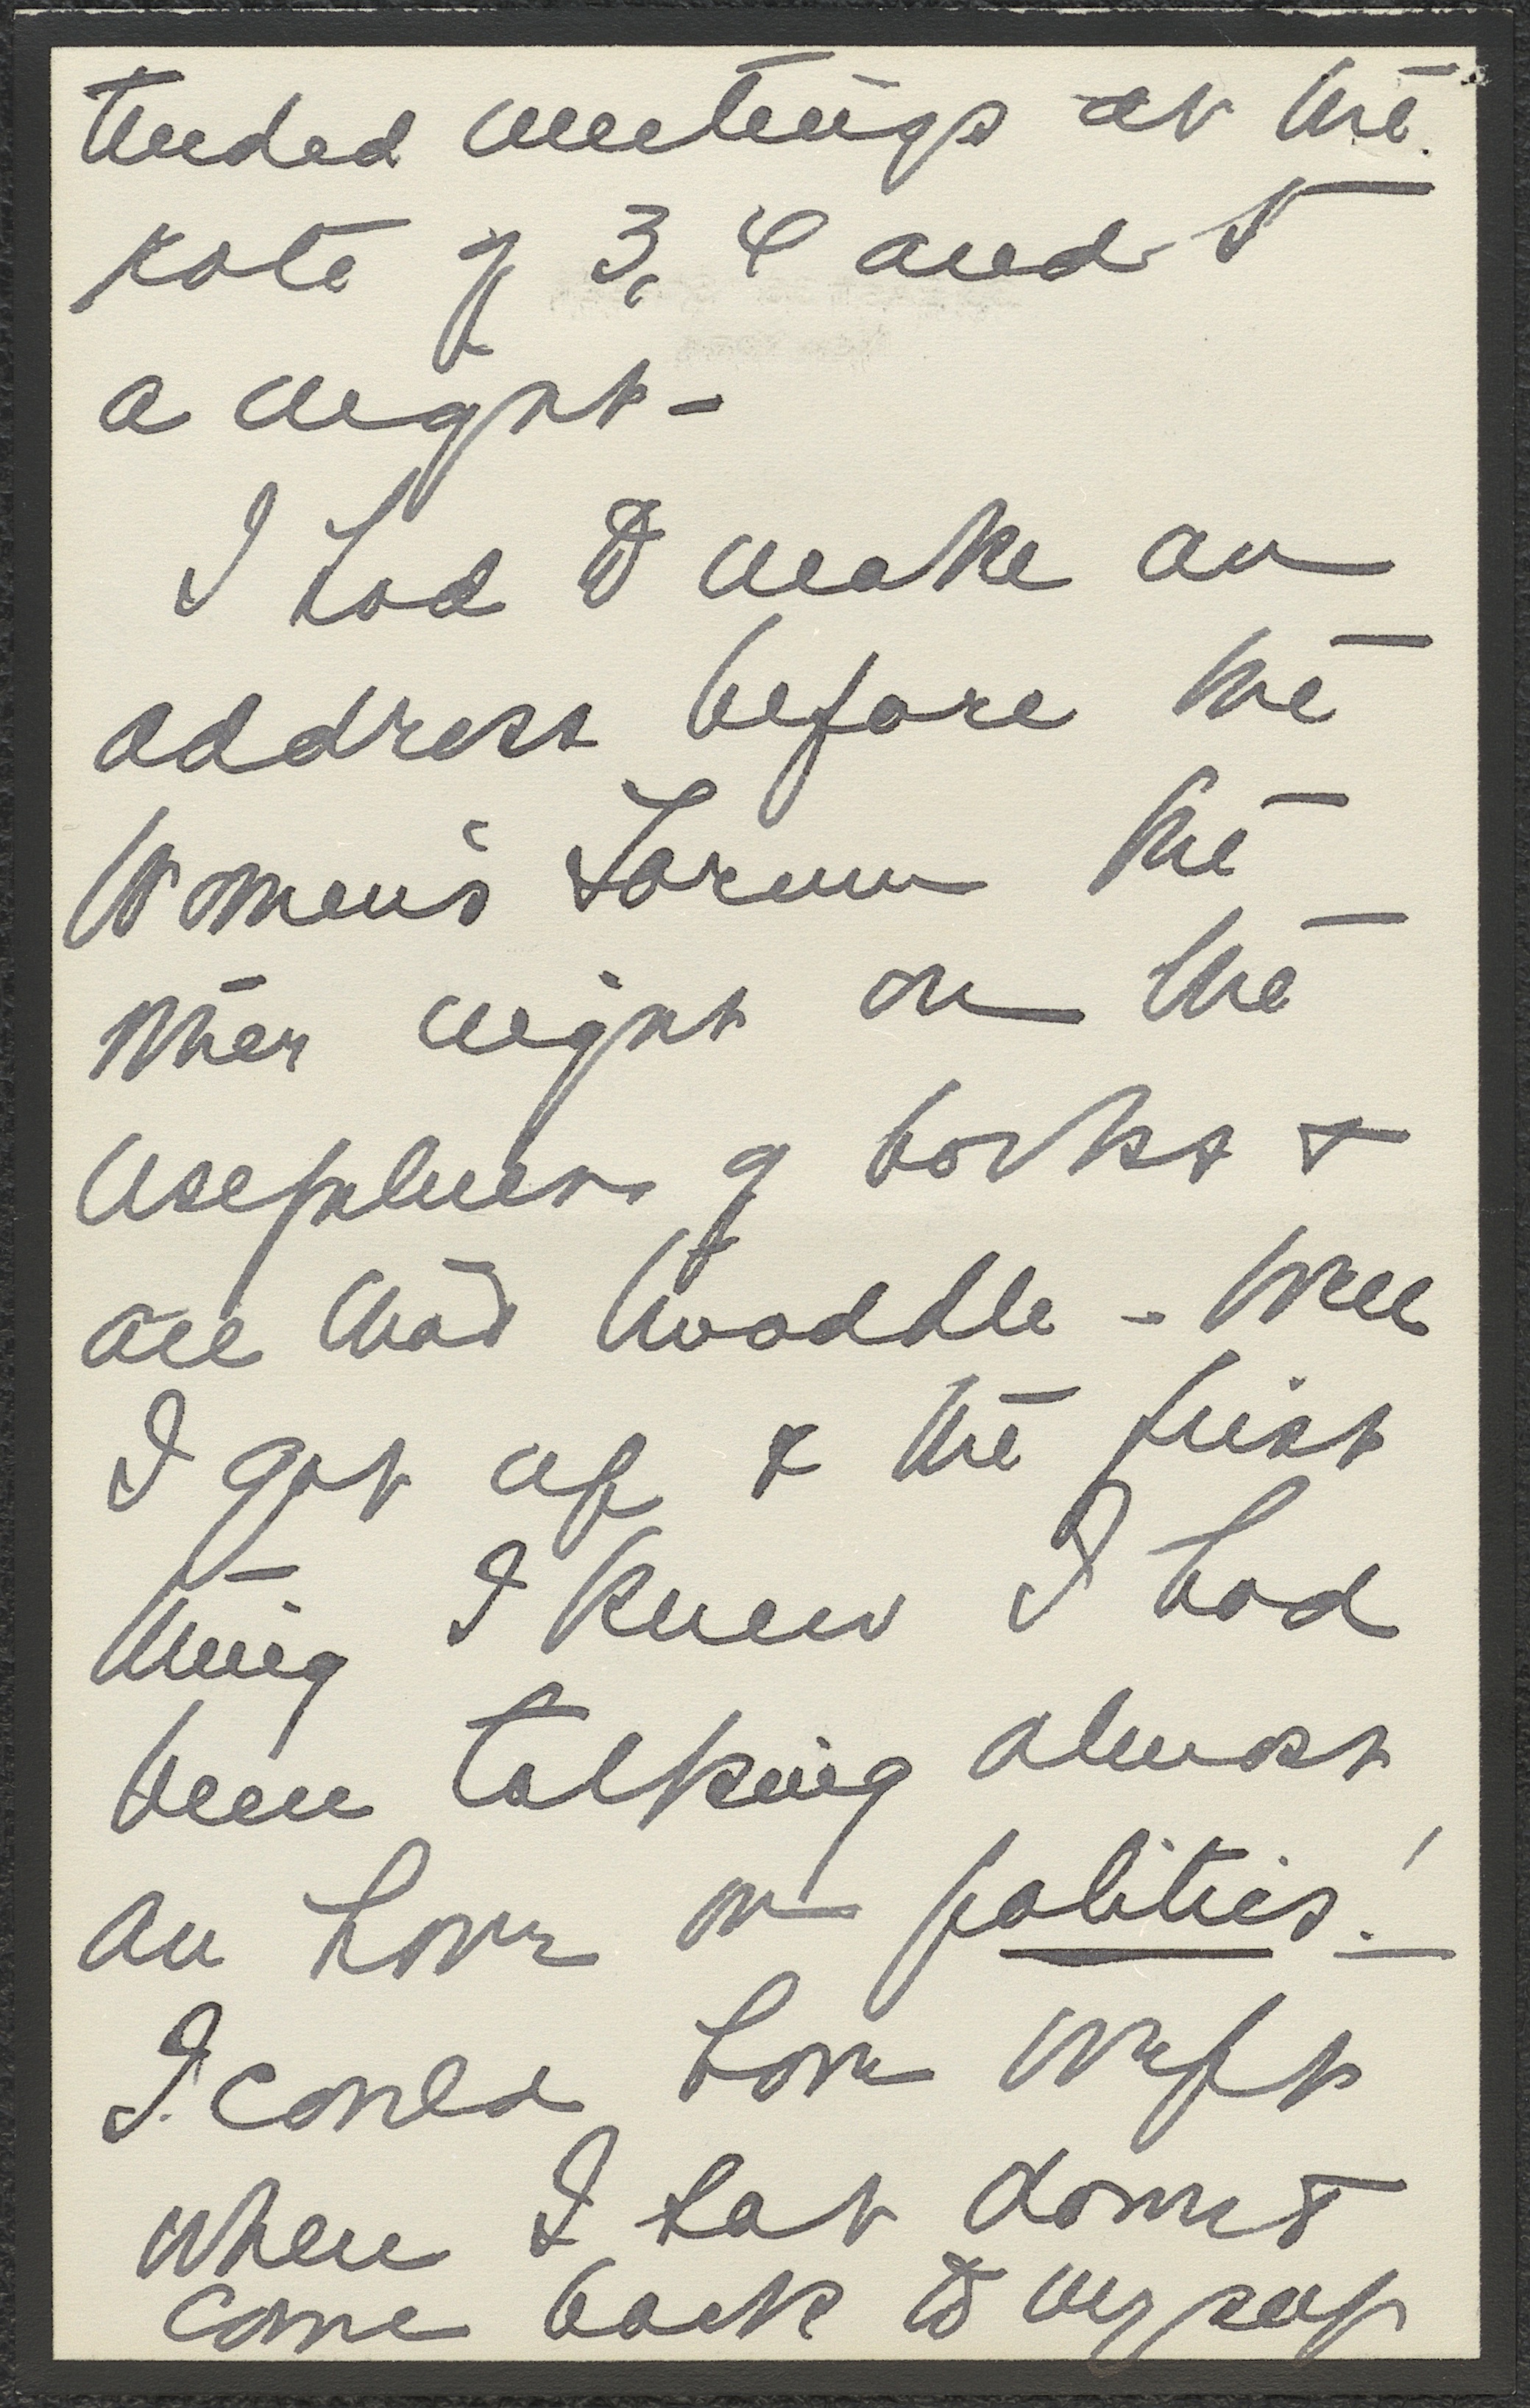meetings at the rate of 3, 4 and 5 a night –
I had to make an address before the Women’s Forum the other night on the usefulness of books & all that twaddle – Well I got up & the first thing I knew I had been talking almost an hour on politics! – I could have wept when I sat down & came back to myself